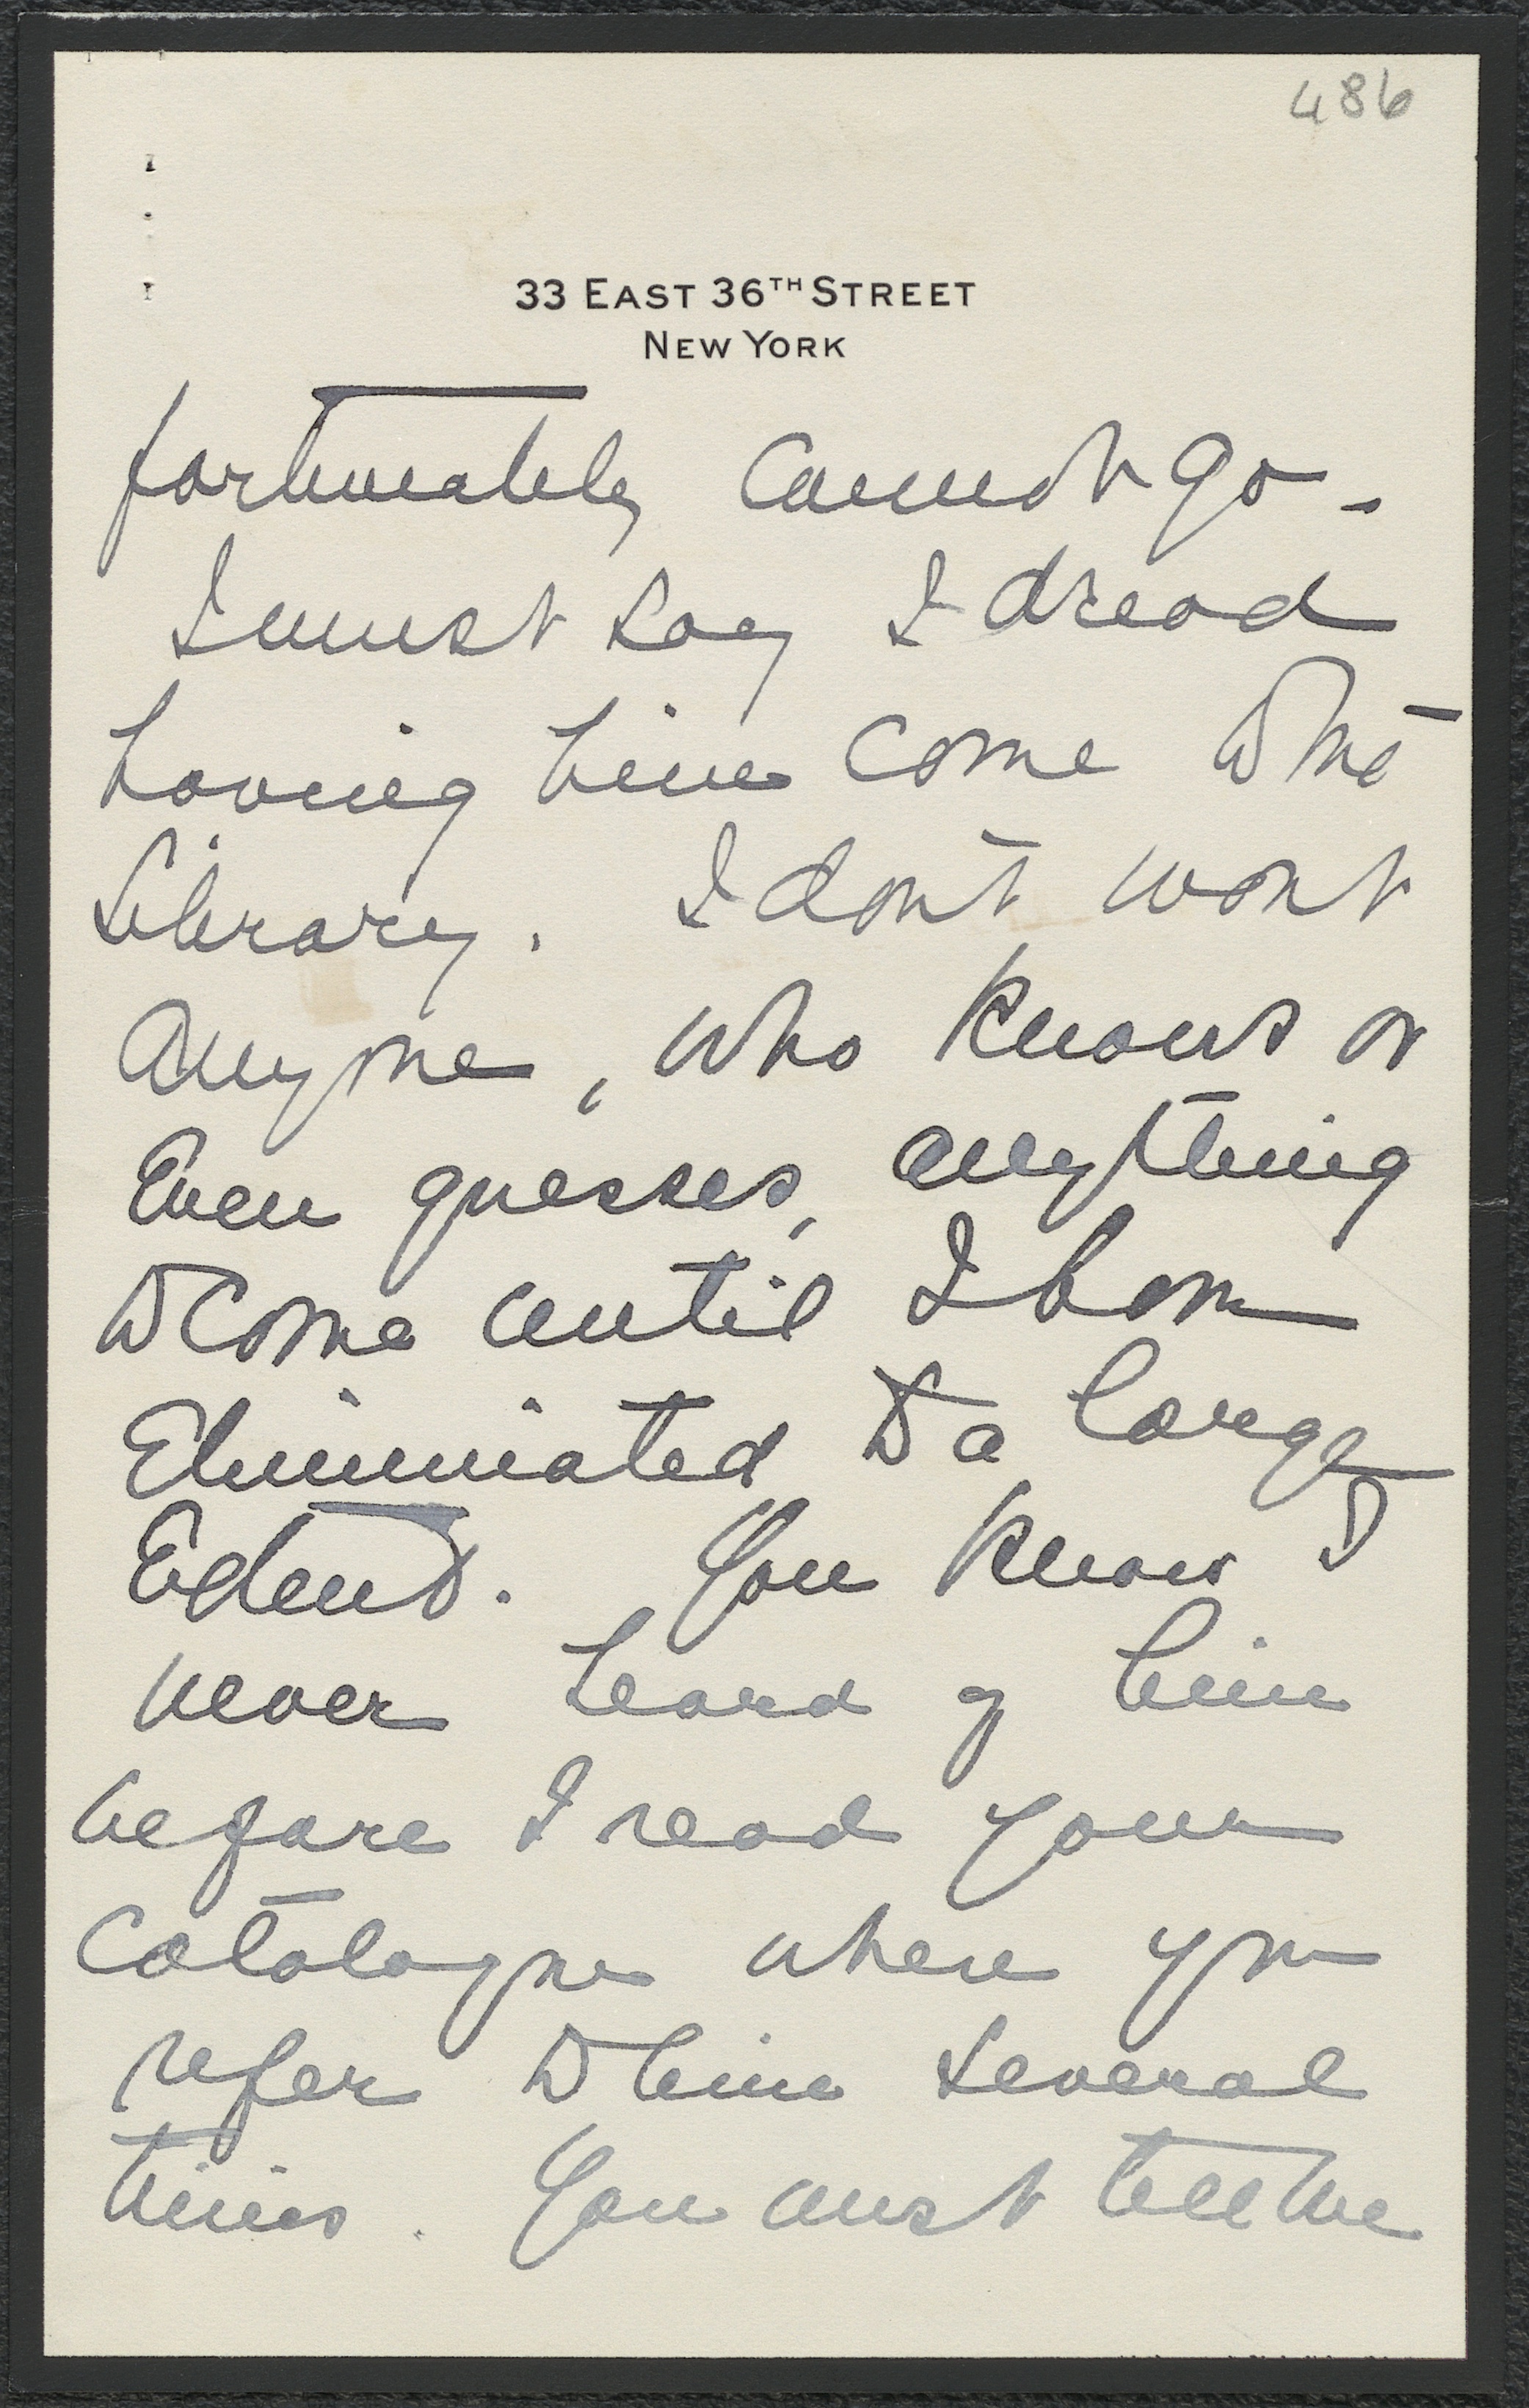fortunately cannot go – I must say I dread having him come to the Library. I don’t want anyone, who knows or even guesses, anything to come until I have eliminated to a large extent. You know I never heard of him before I read your catalogue where you refer to him several times. you must tell me